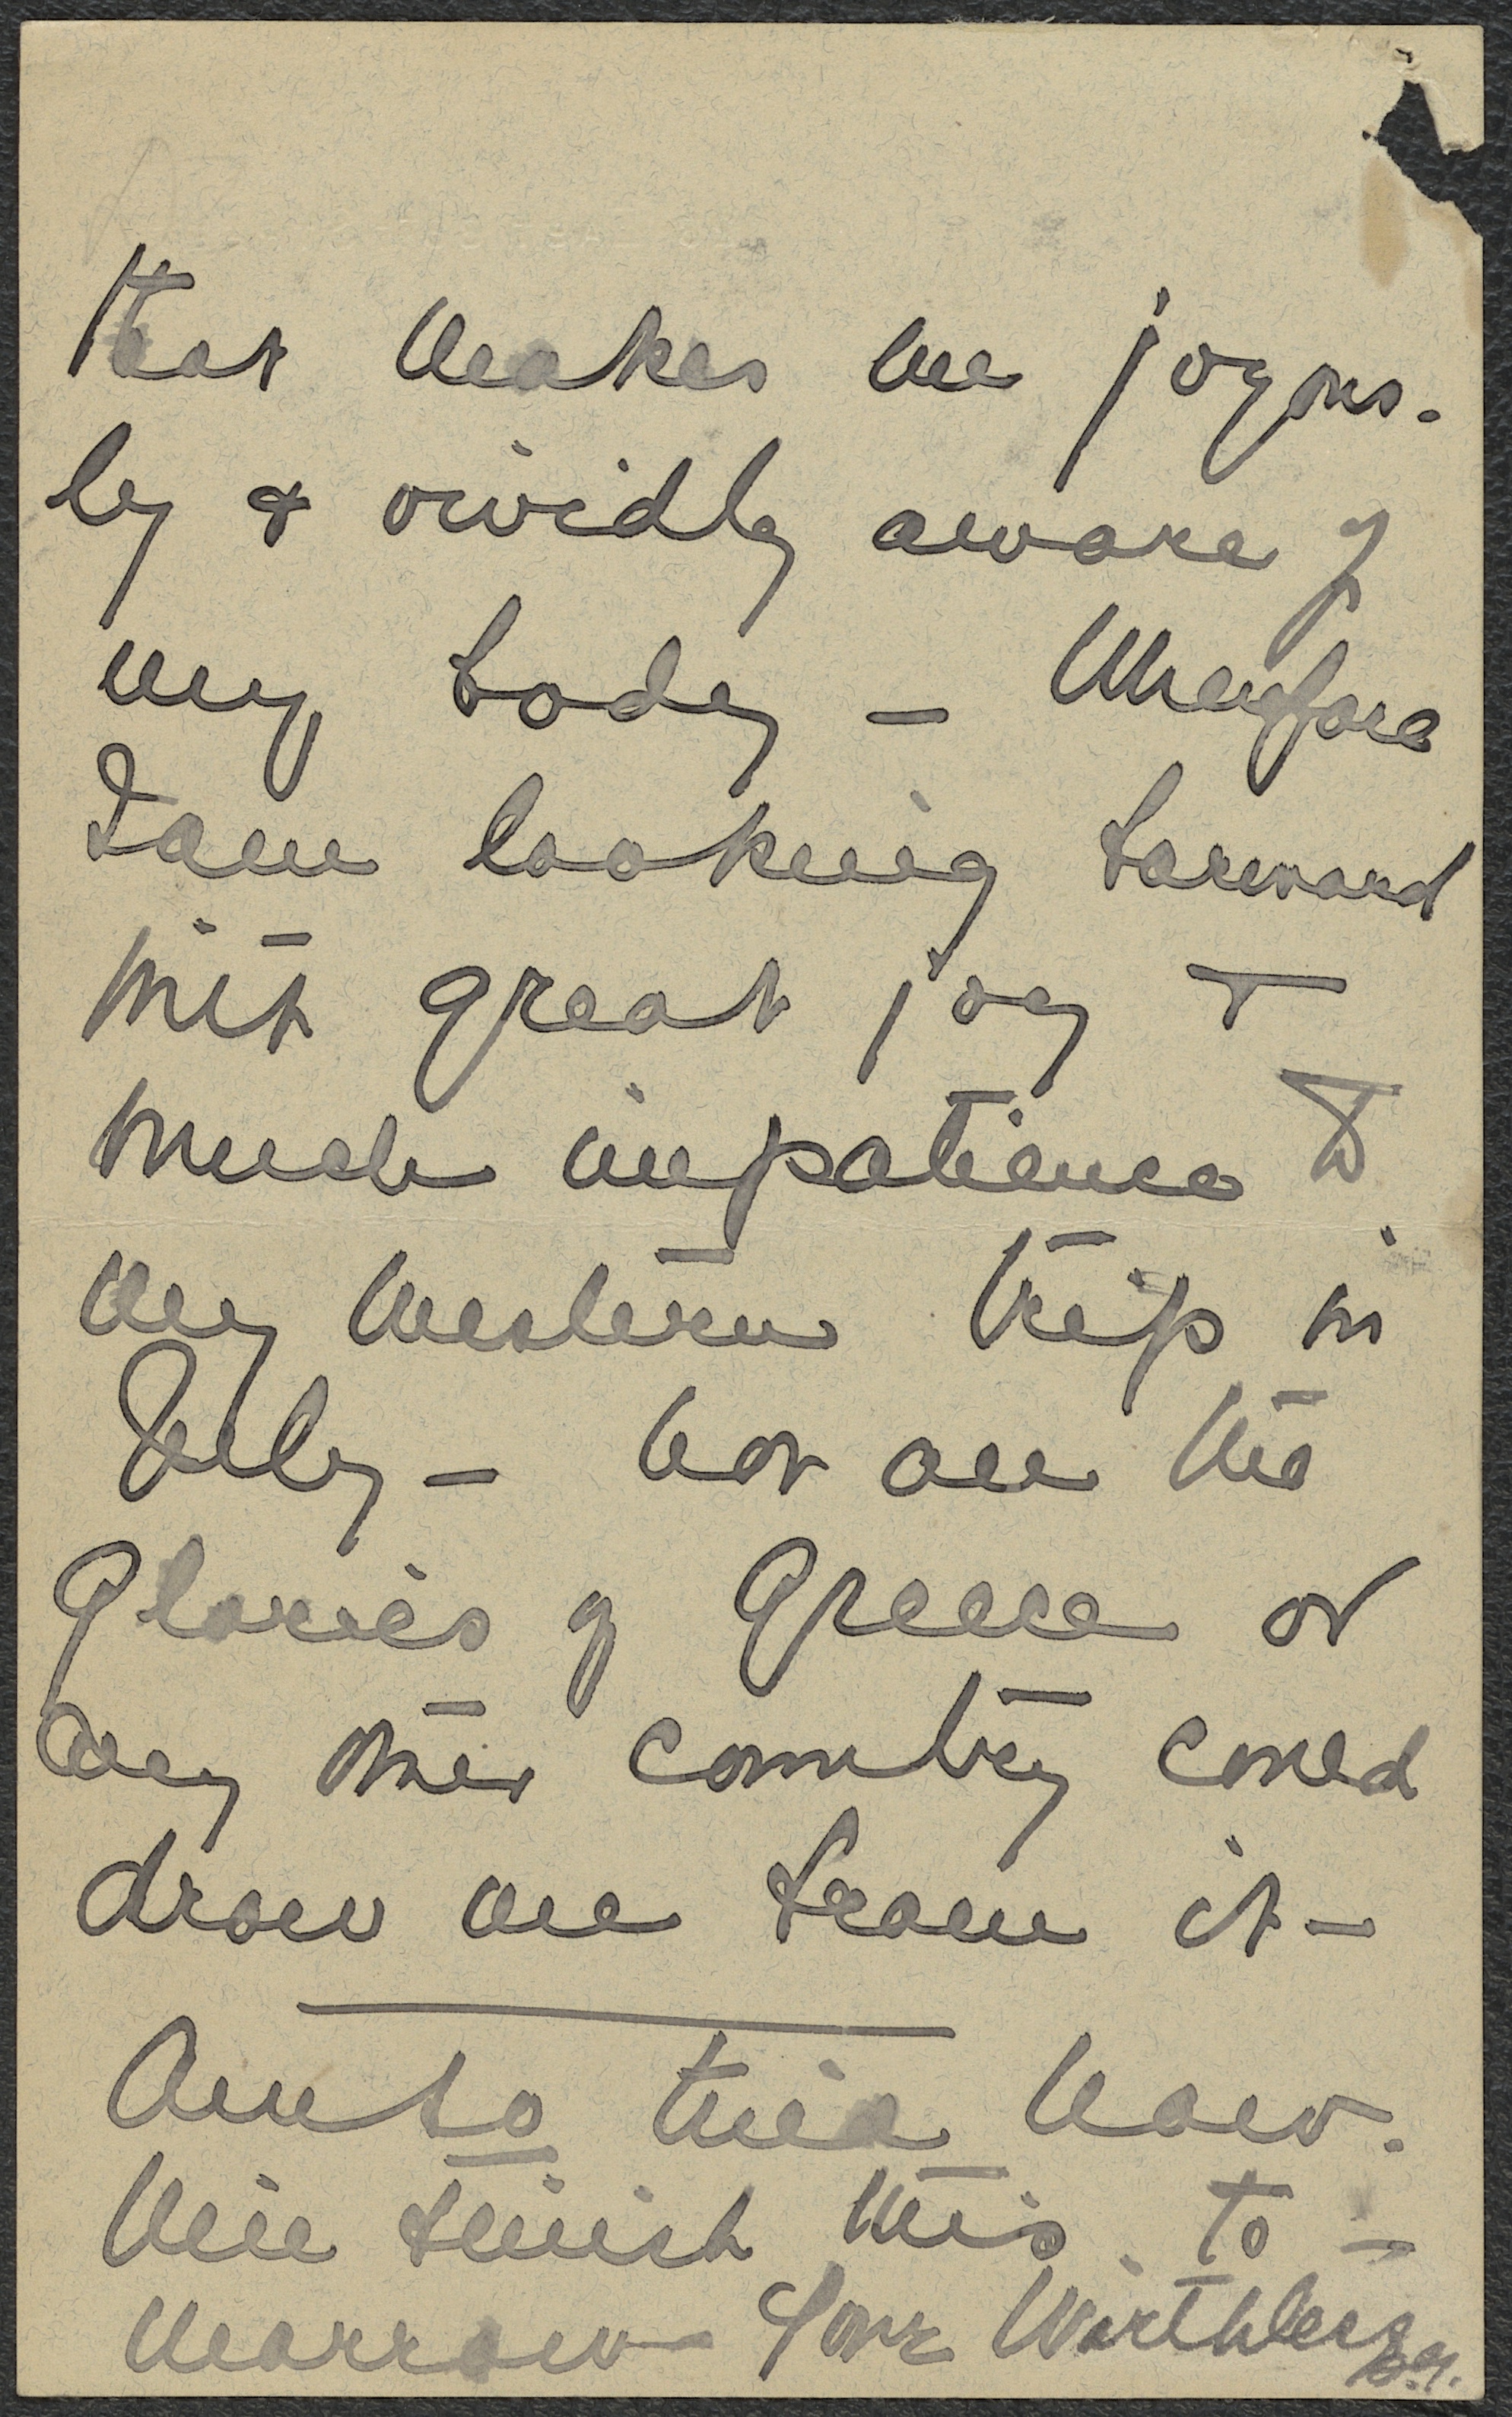that makes me joyously & vividly aware of my body – Wherefore I am looking forward with great joy & much impatience to my Western trip in July – not all the Glories of Greece or any other country could draw me from it –
Am so tired now. Will finish this tomorrow – Your Wirthless
B.G.